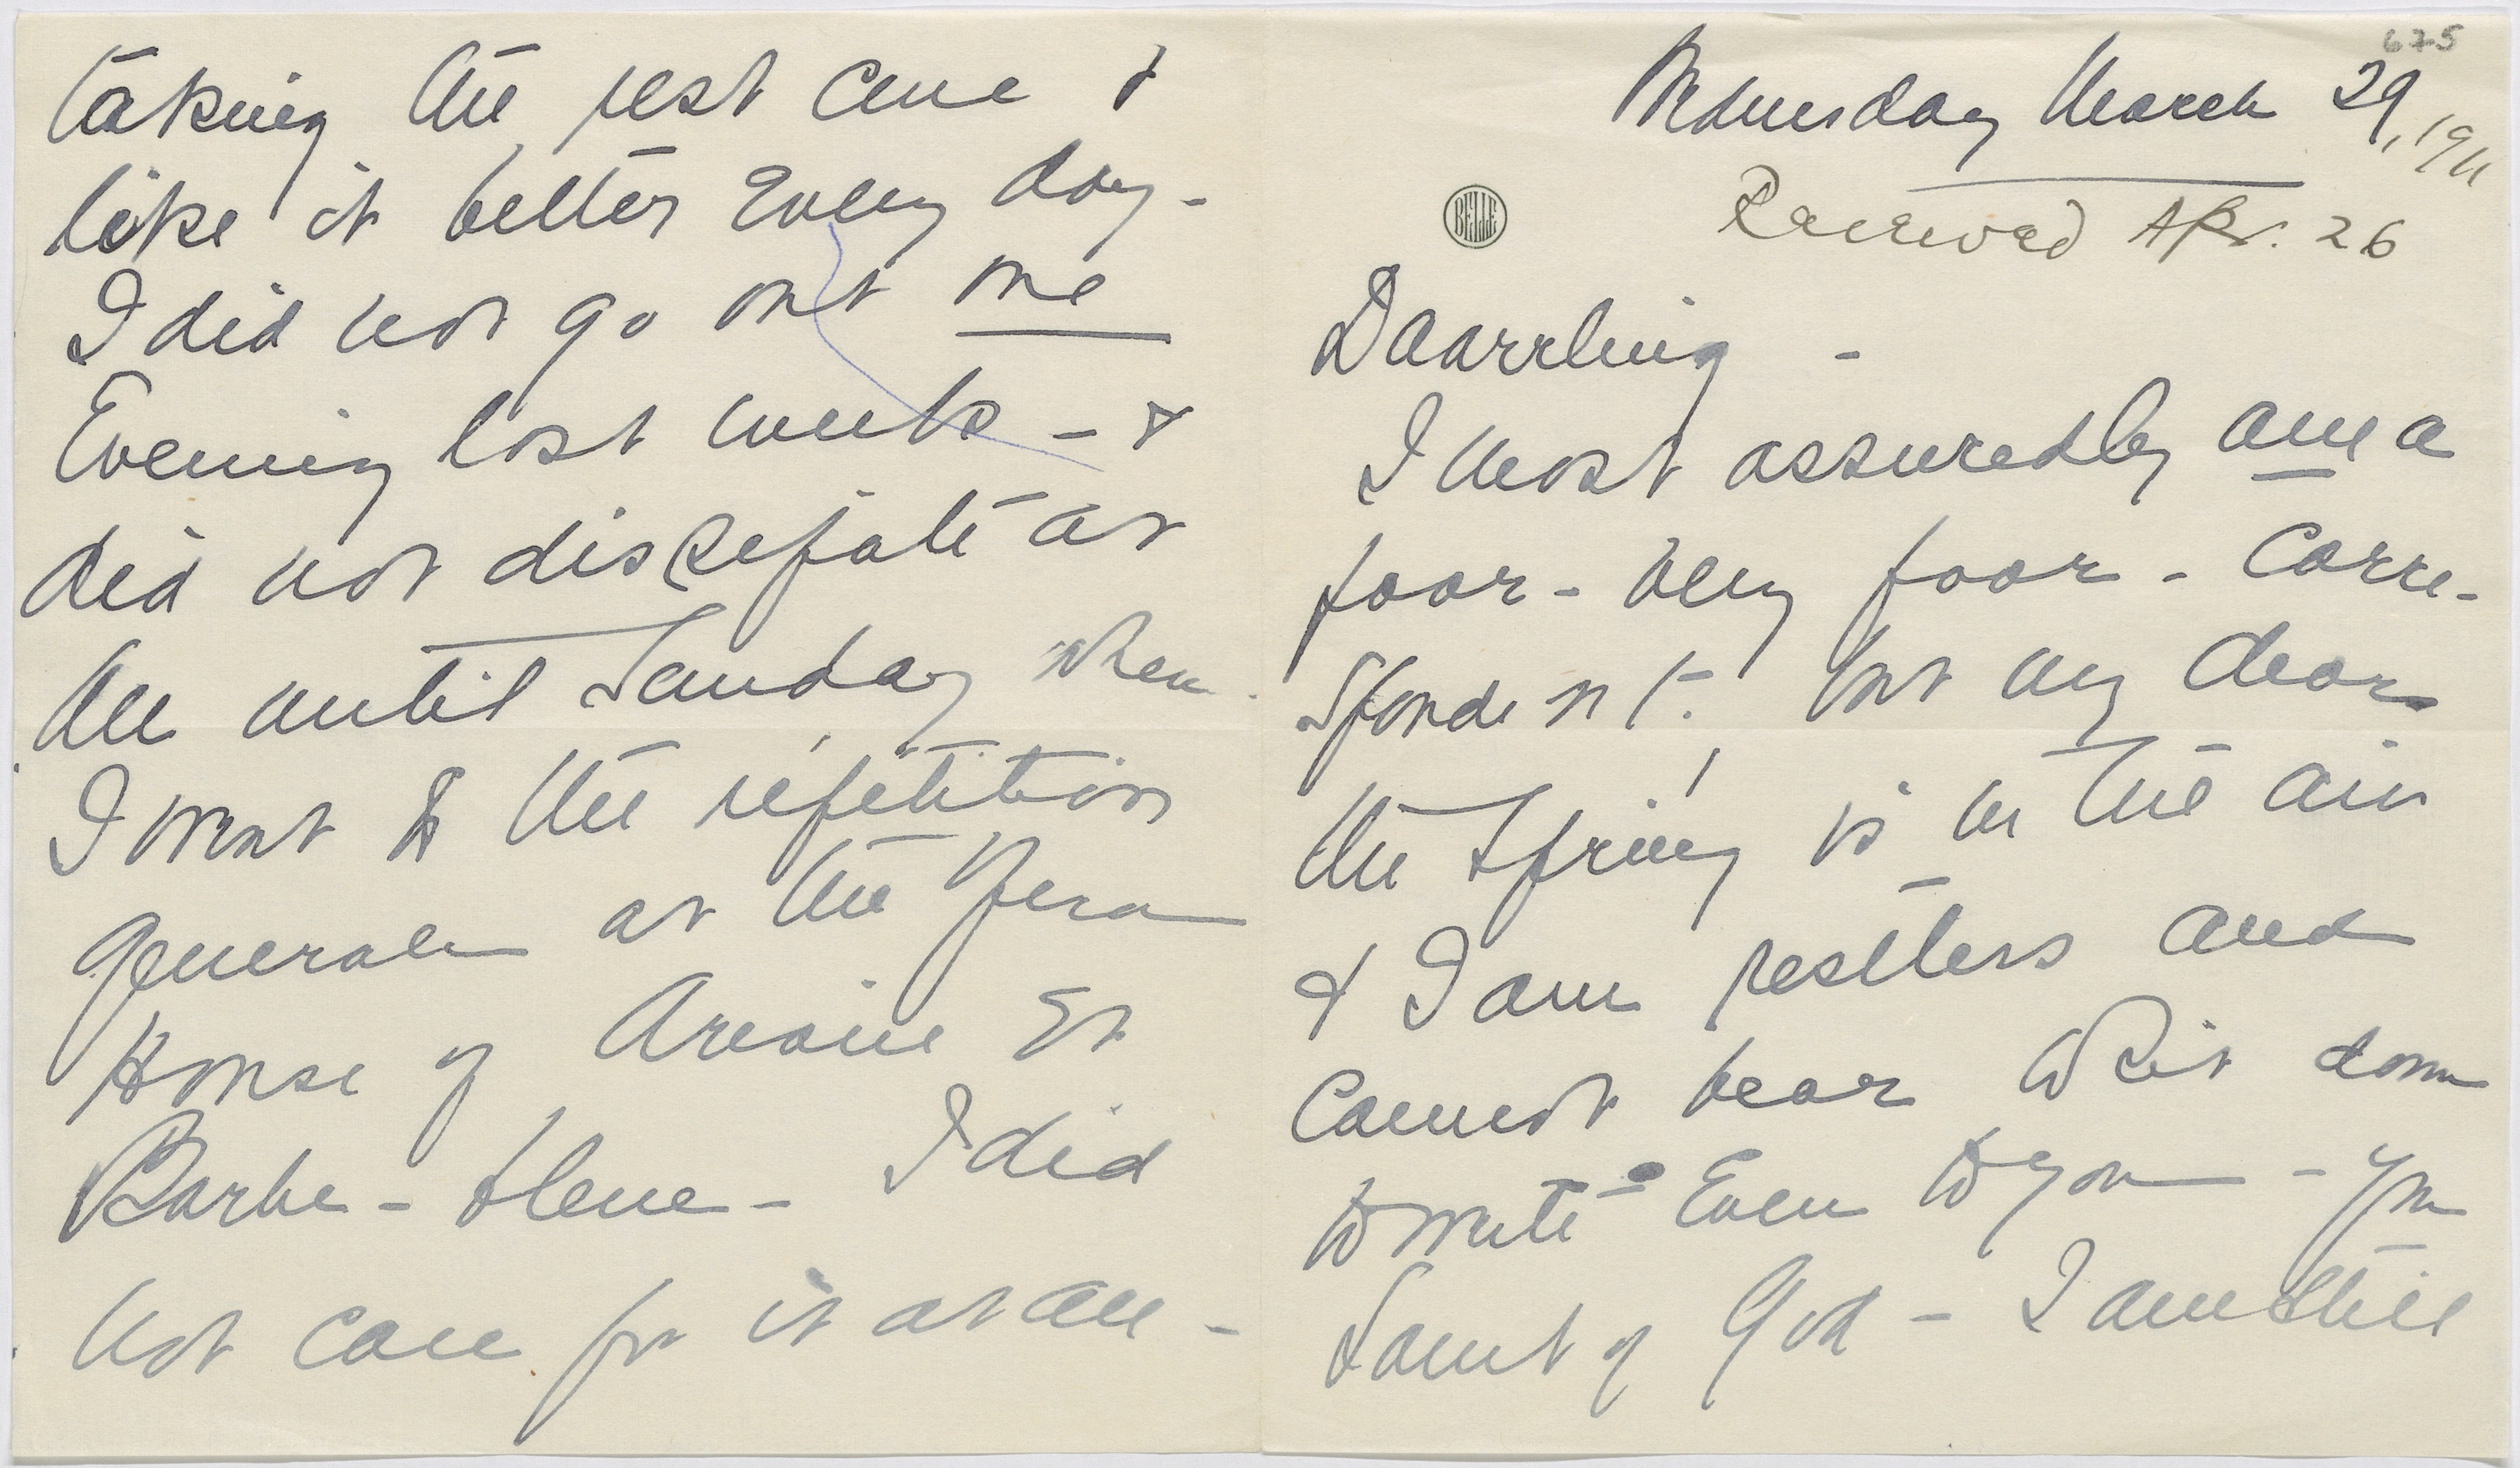Wednesday March 29
–
Daarrling –
I most assuredly am a poor – very poor – correspondent. but my dear the Spring is in the air & I am restless and cannot bear to sit down to write – Even to you – you Lamb of God – I am still
taking the rest cure & like it better every day – I did not go out one Evening last week – & did not dissipate at all until Sunday when I went to the répétition Generale at the Opera House of Ariane et Barbe-bleue – I did not care for it at all –